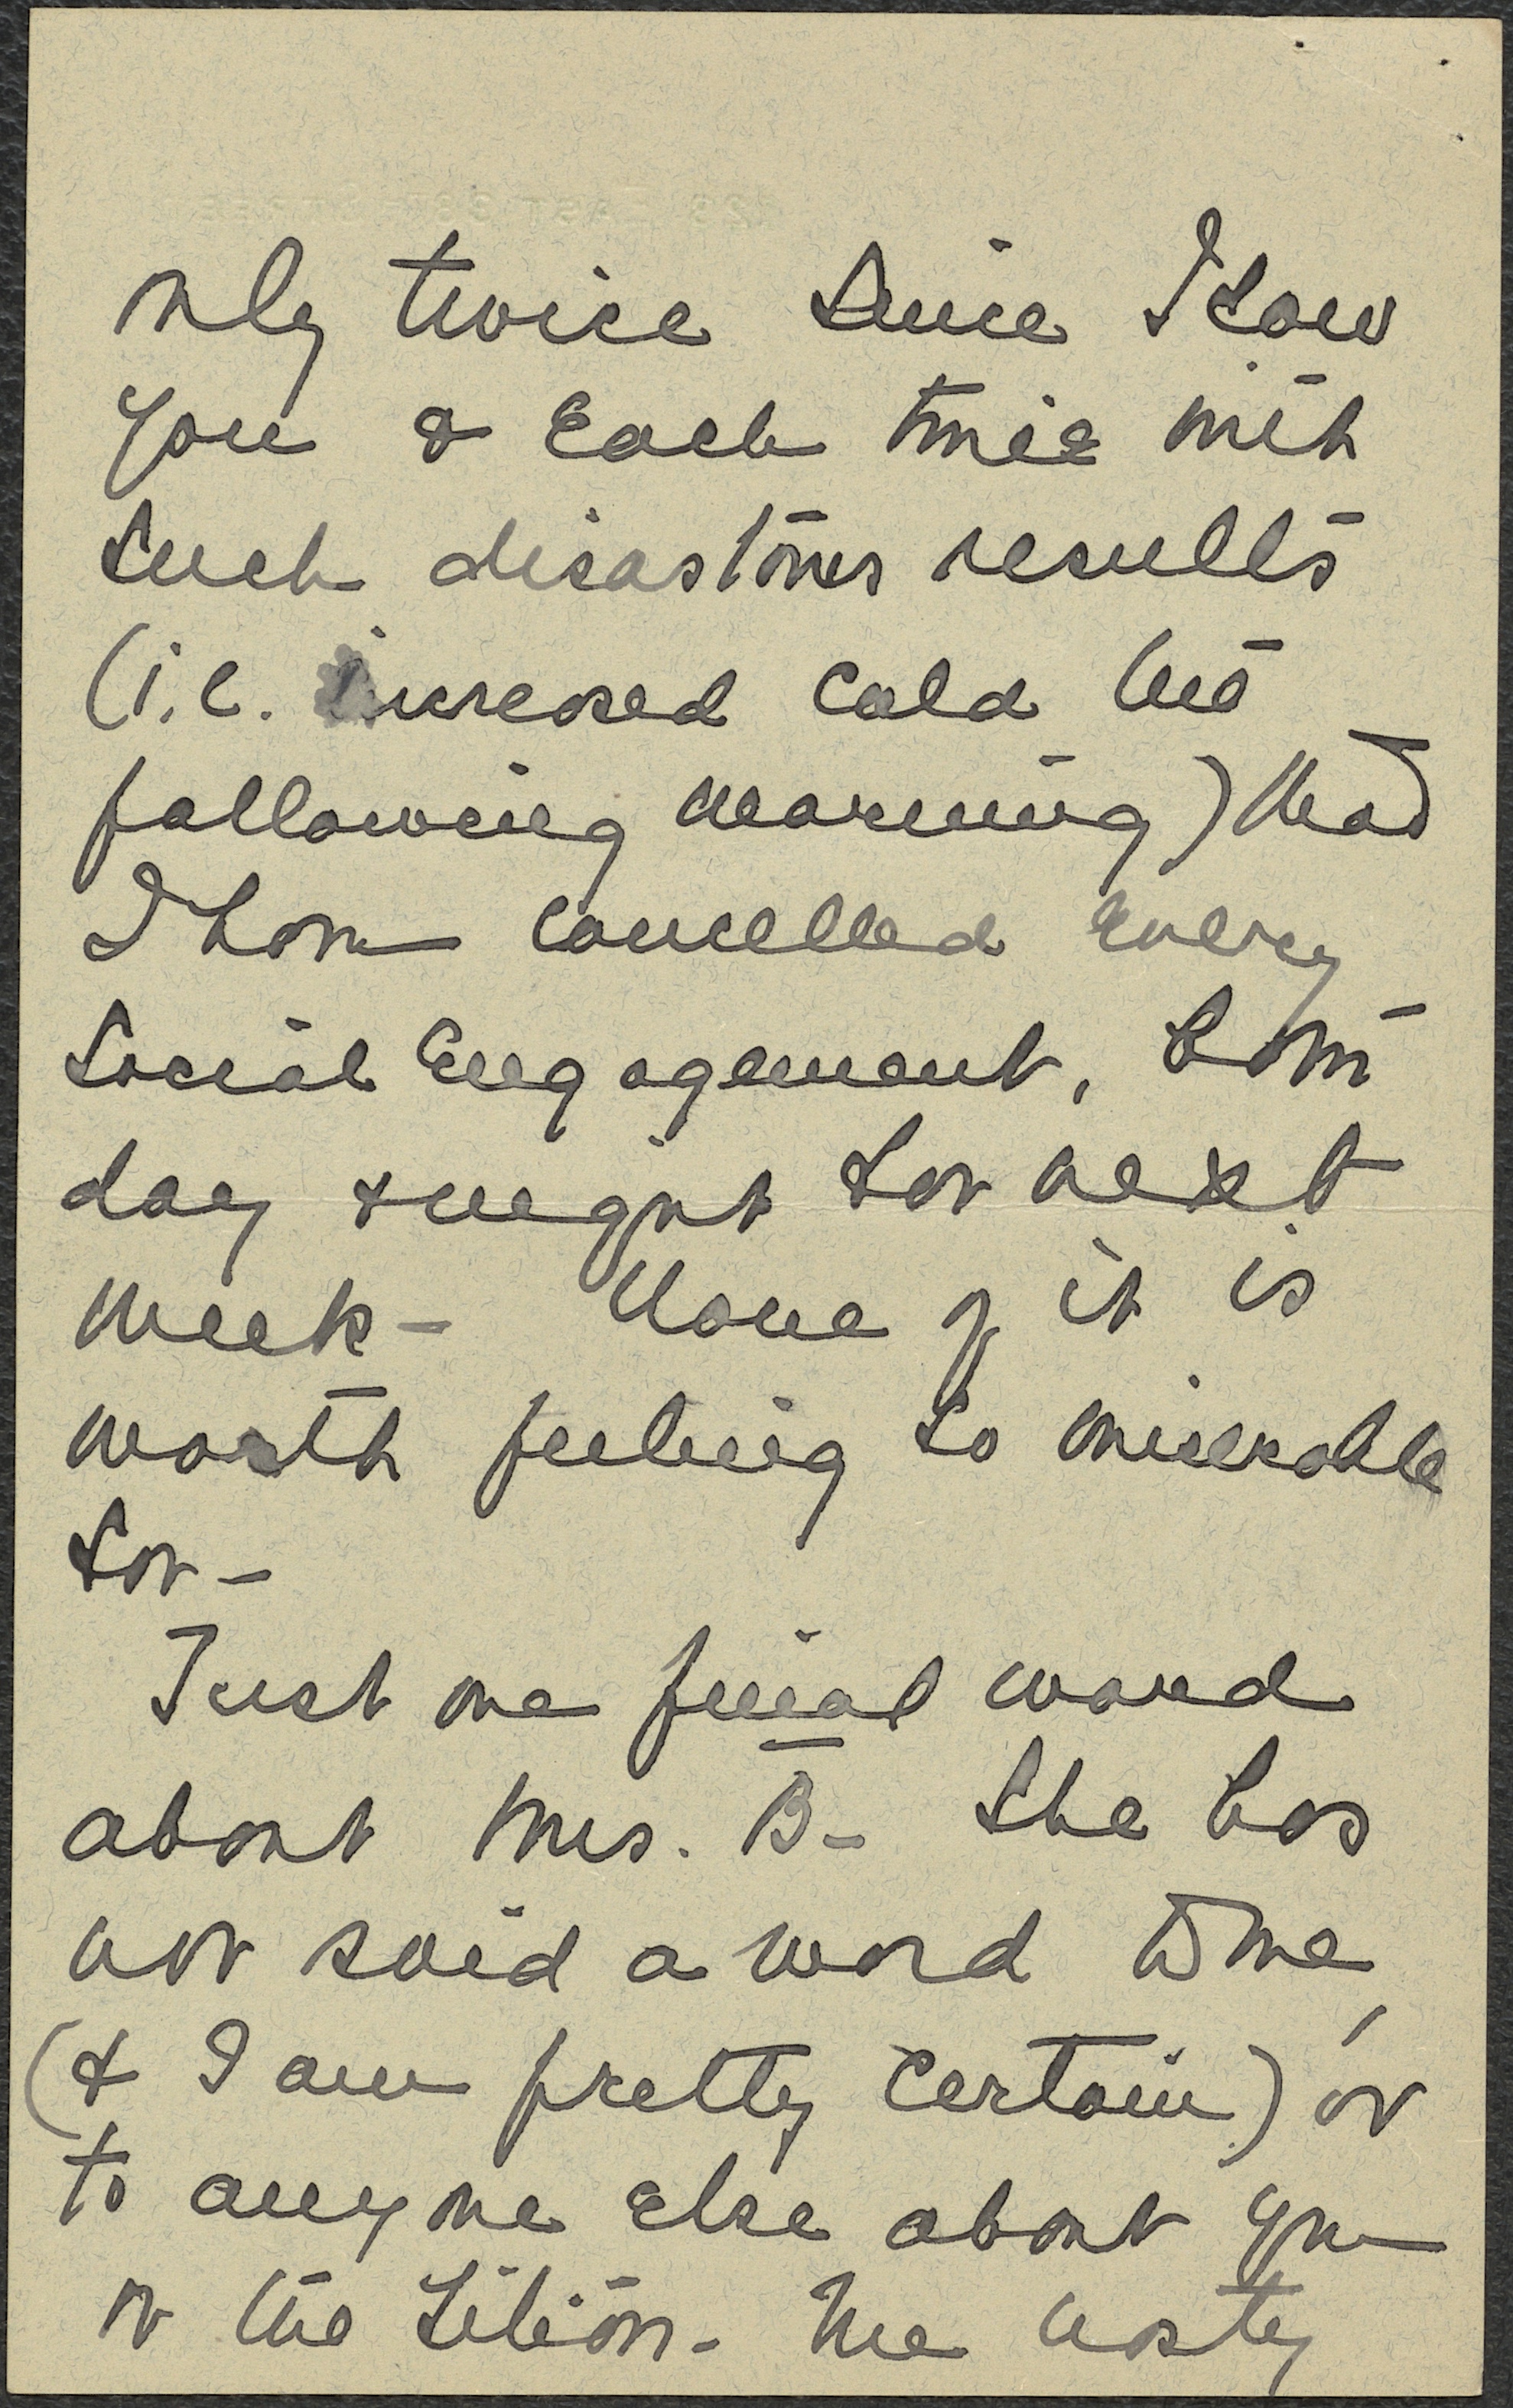only twice since I saw you & each time with such disastrous results (i.e. increased cold the following morning) that I have cancelled every social engagement, both day & night for next week – None of it is worth feeling so miserable for –
Just one final word about Mrs. B – She has not said a word to me (& I am pretty certain) or to anyone else about you or the Titian – The nasty